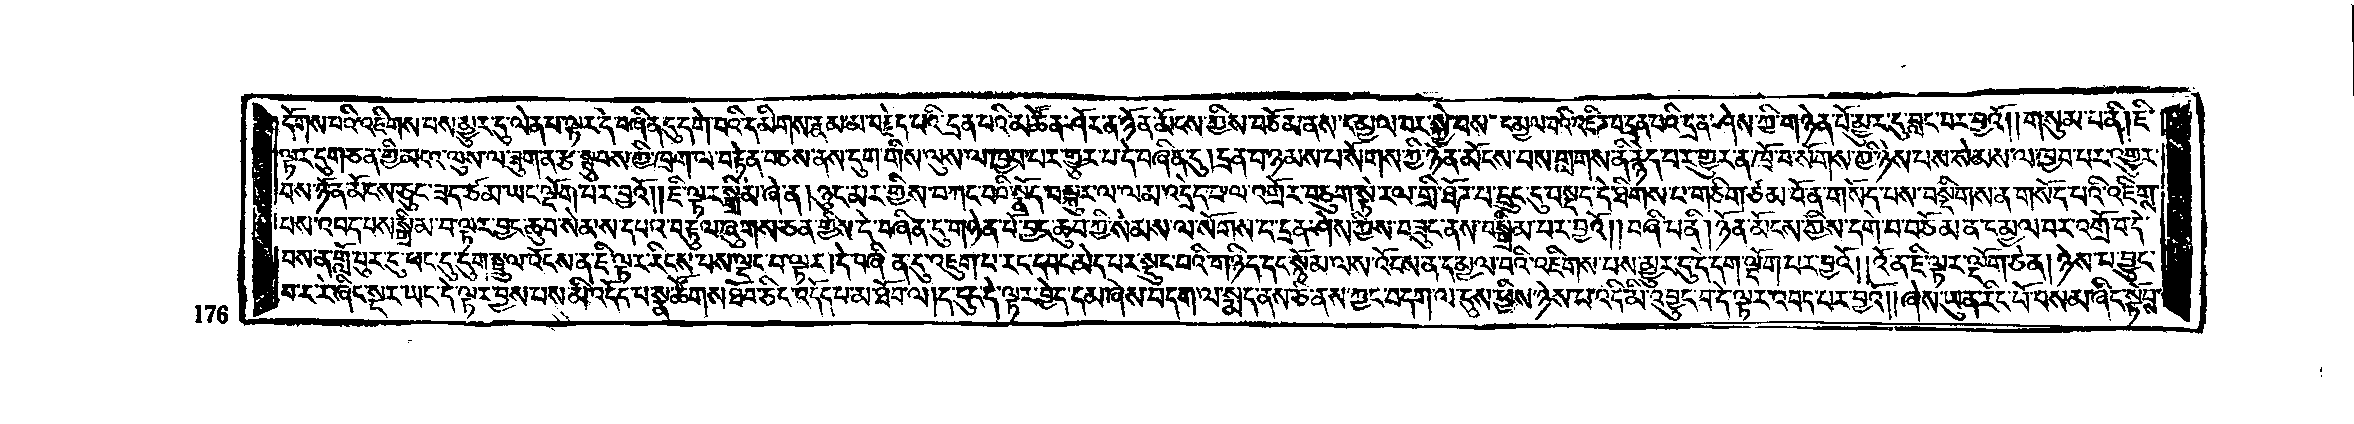དོགས་པའི་འཇིགས་པས་མྱུར་དུ་ལེན་པ་ལྟར་དེ་བཞིན་དུ་དགེ་བའི་དམིགས་རྣམ་མ་བརྗེད་པའི་དྲན་པའི་མཚོན་ཤོར་ན་ཉོན་མོངས་ཀྱིས་བཅོམ་ནས་དམྱལ་བར་སྐྱེ་བས་དམྱལ་བའི་འཇིགས་པ་དྲན་པའི་དྲན་ཤེས་ཀྱི་གཉེན་པོ་མྱུར་དུ་བླང་བར་བྱའོ། །གསུམ་པ་ནི། ཇི་
ལྟར་དུག་ཅན་གྱི་མངའ་ལུས་ལ་ཟུག་ན་རྩ་སྤུབས་ཀྱི་ཁྲག་ལ་བྲེན་བཅས་ནས་དུག་གིས་ལུས་ལ་ཁྱབ་པར་གྱུར་པ་དེ་བཞིན་དུ། དྲན་པ་ཉམས་པ་སོགས་ཀྱི་ཉོན་མོངས་པས་གླགས་ནི་རྙེད་པར་གྱུར་ན་ཁྲོ་བ་སོགས་ཀྱི་ཉེས་པས་སེམས་ལ་ཁྱབ་པར་འགྱུར་
བས་ཉོན་མོངས་ཅུང་ཟད་ཙམ་ཡང་ལྡོག་པར་བྱའོ། །ཇི་ལྟར་སྒྲེ?་མ་ཞེ་ན། ཉུང་མར་ཀྱིས་བཀང་བའི་སྣོད་བསྐུར་ལ་ལམ་འདྲེད་པ་ལ་འགྲོར་བཅུག་སྟེ་རལ་གྲི་ཐོགས་པས་དྲུང་དུ་བསྡད་དེ་ཐིགས་པ་གཅིག་ཙམ་བོ་ན་གསོད་པས་བསྡིགས་ན་གསོད་པའི་འཇིགས་
པས་འབད་པས་སྒྲིམ་པ་ལྟར་བྱང་ཆུབ་སེམས་དཔའ་བརྟུལ་ཞུགས་ཅན་གྱིས་དེ་བཞིན་དུ་གཉེན་པོ་བྱང་ཆུབ་ཀྱི་སེམས་ལ་སོགས་པ་དྲན་ཤེ་ཀྱིས་བཟུང་ནས་བསྒྲིམ་པར་བྱའོ། །བཞི་པ་ནི། ཉོན་མོངས་ཀྱིས་དགེ་བ་བཅོམ་ན་དམྱལ་བར་འགྲོ་བ་དེ་
བས་ན་གློ་བུར་དུ་ཕང་དུ་དུག་སྦྲུལ་འོངས་ན་ཇི་ལྟར་རིངས་པས་ལྡང་བ་ལྟར། དེ་བཞིན་དུ་འཇུག་པ་རང་དབང་མེད་པར་སྡུང་བའི་གཉིད་དང་སྙོམ་ལས་འོངས་ན་དམྱལ་བའི་འཇིགས་པས་མྱུར་དུ་དེ་དག་ལྡོག་པར་བྱའོ། །འོ་ན་ཇི་ལྟར་ལྡོག་ཅེ་ན། ཉེས་པ་བྱུང་
བ་རེ་རེ་ཞིང་སྔར་ཡང་དེ་ལྟར་བྱས་པས་མི་འདོད་པ་སྣ་ཚོགས་ཐོབ་ཅིང་འདོད་པ་མ་ཐོབ་ལ་ད་དུང་དེ་ལྟར་བྱེད་དམ་ཞེས་བདག་ལ་སྨད་ནས་ཅི་ནས་ཀྱང་བདག་ལ་དུས་ཕྱིས་ཉེས་པ་འདི་མི་འབྱུང་བ་དེ་ལྟར་འབད་པར་བྱའོ། །ཞེས་ཡུན་རིང་པོ་བསམ་ཞིང་སྟོབས་